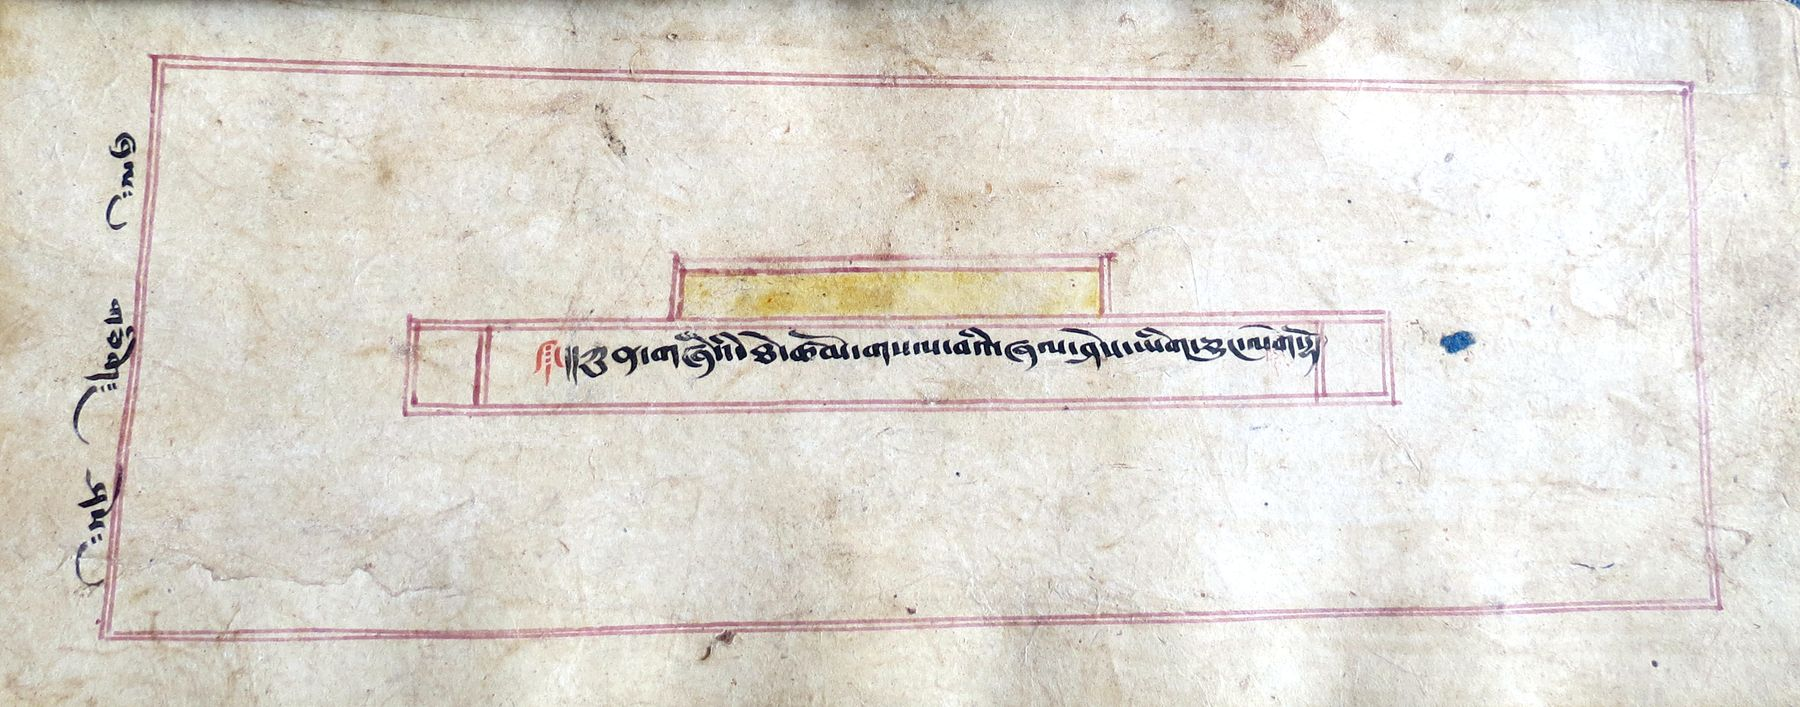ཀུན་གཞིའི་ཐེ་ཚོམ་བསལ་བའི་ཞལ་ཤེས་ཡིག་ཆུང་ལེགས་སོ། །